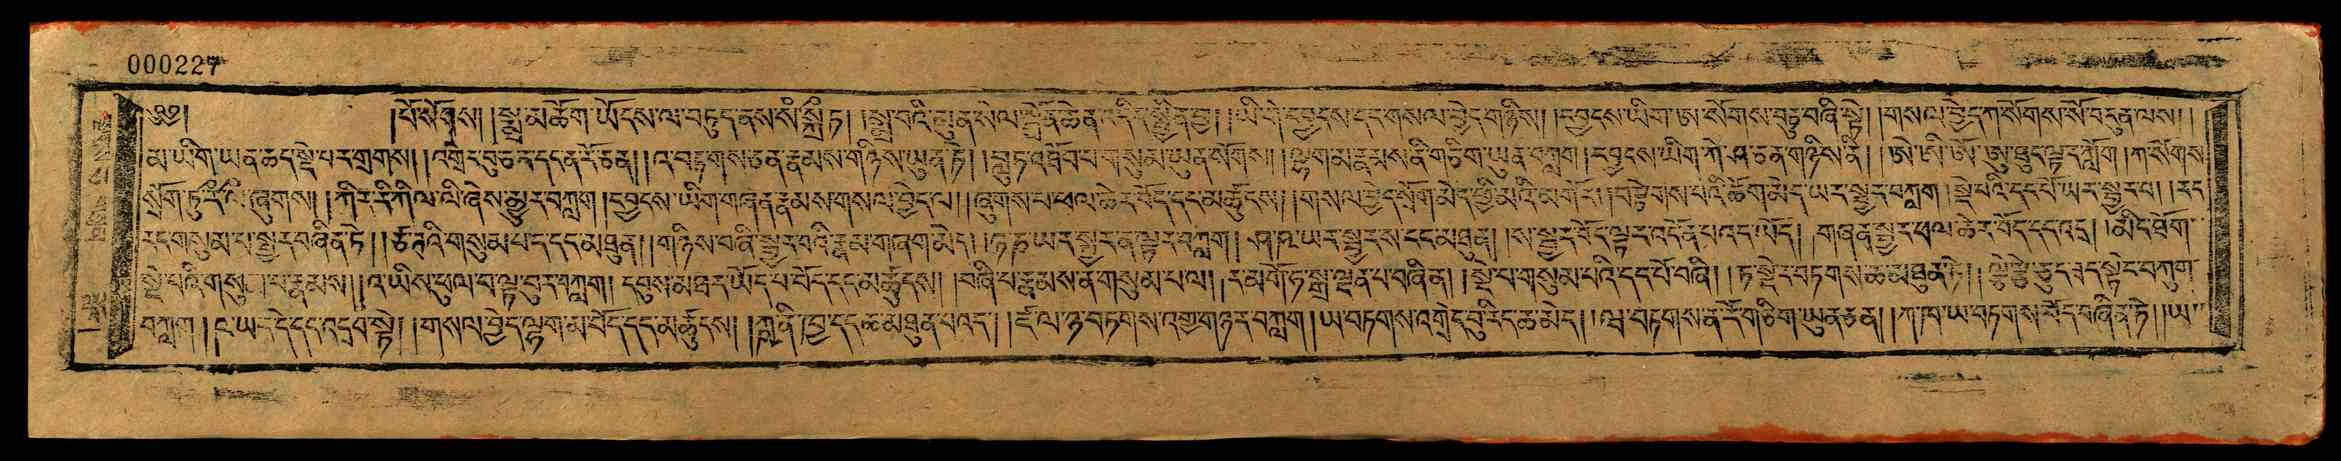༄༅། །པོ་སོགས། །སྨྲ་མཆོག་ཡོངས་ལ་བཏུད་ནས་སཾ་སྐྲྀ་ཏ། །སྨྲ་བའི་མུན་སེལ་སྒྲོན་ཆེན་འདིར་སྦྱིན་བྱ། །ཡི་གེ་དབྱངས་དང་གསལ་བྱེད་གཉིས། །དབྱངས་ཡིག་ཨ་སོགས་བཅུ་བཞི་སྟེ། །གསལ་བྱེད་ཀ་སོགས་སོ་བདུན་ལས།
མ་ཡིག་ཡན་ཆད་སྡེ་པར་གྲགས། །འགྲེང་བུ་ཅན་དང་ན་རོ་ཅན། །འ་བཏགས་ཅན་རྣམས་གཉིས་ཡུན་ཏེ། །པླུ་ཏ་འཐོབ་པ་གསུམ་ཡུན་སོགས། །ལྷག་མ་རྣམས་ནི་གཅིག་ཡུན་བཀླག། །དབྱངས་ཡིག་ཀེ་ཤ་ཅན་གཉིས་ནི། །ཨེ་ཨི་ཨེ་ཨུ་ཐུང་ལྟར་ཀློག། །ཀ་སོགས་
སྒྲོག་ཏུ་རྀ་ལྀ་ཞུགས། །ཀིར་རི་ཀི་ལ་ལི་ཞེས་མྱུར་བཀག། །དབྱངས་ཡིག་གཞན་རྣམས་གསལ་བྱེད་ལ། །ཞུགས་པ་ཕལ་ཆེར་བོད་དང་མཚུངས། །གསླ་བྱེད་སྲོག་བྨེད་ཕྱི་མའི་མགོར། །བཙེགས་པའི་ཆོག་མེད་ཡར་སྦྱར་བཀག། །སྡེ་པའི་དང་པོ་ཡར་སྦྱར་བ། །རང་
རང་གསུམ་པ་སྦྱར་བཞིན་ཏེ། །རྩ་ཊའི་གསུམ་པ་ད་དང་མཐུན། །གཉིས་བཞི་སྦྱར་བའི་རྣམ་གཞག་མེད། །ཉ་ཎ་ཡར་སྦྱར་ན་ལྟར་བཀླག །ཤ་ཥ་ཡར་སྦྱར་ས་དང་མཐུན། །ས་སྦྱར་བོད་ལྟར་འདོན་པའང་ཡོད། །གཞན་སྦྱར་ཕལ་ཆེར་བོད་དང་འདྲ། །མིང་ཐོག་
སྡེ་པའི་གསུམ་པ་རྣམས། །འ་ཡིས་ཕུལ་བ་ལྟ་བུར་བཀླག །དབུས་མཐར་ཡོད་པ་བོད་དང་མཚུངས། །བཞི་པ་རྣམས་ནི་གསུམ་པ་ལ། ར་མགོ་ཧ་སྒྲ་ལྡན་པ་བཞིན། །སྔ་པ་གསུམ་པའི་དང་པོ་བཞི། །ཏ་སྡེར་བཏགས་ཆ་མཐུན་ཏེ། །རྩེ་རྩེ་ཅུང་ཟད་སྟེང་བཞུག་
བཀླག །ཥ་ཡང་དེ་དང་འདྲ་བ་སྟེ། །གསལ་བྱེད་ལྷག་མ་བོད་དང་མཚུངས། །ཀྵ་ནི་ཁྱ་དང་ཆ་མཐུན་པའང་། །ཛ་ལ་ཉ་བཏགས་འགྱ་གཉར་བཀླག །ཡ་བཏགས་འགྲེང་བུ་རིང་ཆ་མེད། །ལྦ་བཏགས་ན་རོ་གཅིག་ཡུན་ཅན། །ཀ་ཁ་ཡ་བཏགས་བོད་བཞིན་ཏེ། །ཡ་